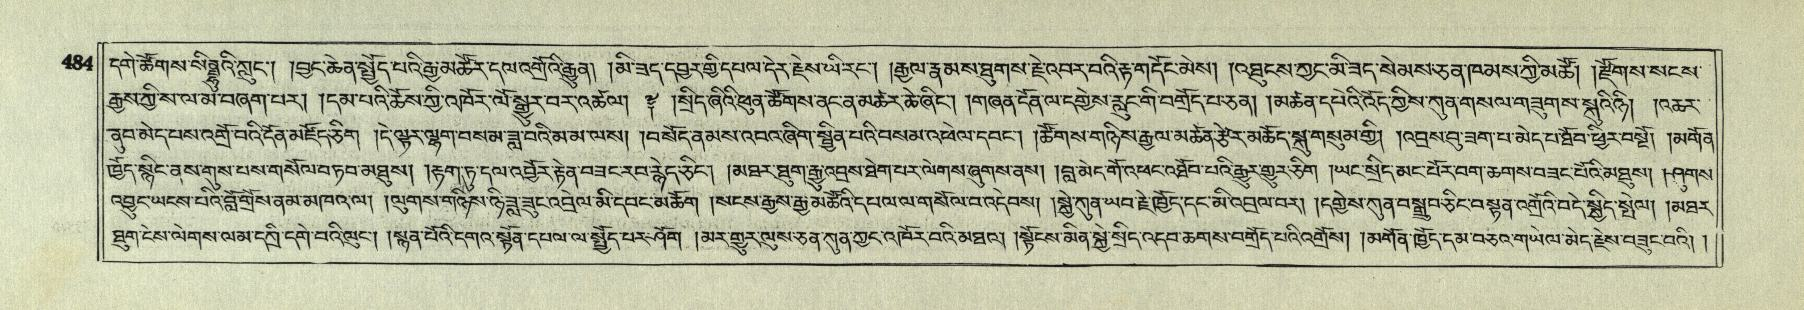དགེ་ཚོགས་སིནྡྷུའི་ཀླུང་། །བྱང་ཆེན་སྤྱོད་པའི་རྒྱ་མཚོར་དལ་འགྲོའི་རྒྱུན། །མི་ཟད་དབྱར་གྱི་དཔལ་དེར་རྗེས་ཡི་རང་། །རྒྱལ་རྣམས་ཐུགས་རྗེ་འབར་བའི་རྟག་གདོང་མེས། །འཐུངས་ཀྱང་མི་ཟད་སེམས་ཅན་ཁམས་ཀྱི་མཚོ། །རྫོགས་སངས་
རྒྱས་ཀྱི་ས་ལ་མ་བཞག་པར། །དམ་པའི་ཆོས་ཀྱི་འཁོར་ལོ་སྒྱུར་བར་འཚལ། འ་།སྲིད་ཞིའི་ཕུན་ཚོགས་ནང་ན་མཚར་ཆེ་ཞིང་། །གཞན་དོན་ལ་དགྱེས་རླུང་གི་བགྲོད་པ་ཅན། །མཚན་དཔེའི་འོད་ཀྱིས་ཀུན་གསལ་གཟུགས་སྐུའི་ཉི། །འཆར་
ནུབ་མེད་པས་འགྲོ་བའི་དོན་མཛོད་ཅིག །དེ་ལྟར་ལྷག་བསམ་ཟླ་བའི་མ་མ་ལས། །བསོད་ནམས་འབའ་ཞིག་སྦྱིན་པའི་བསམ་འཕེལ་དབང་། །ཚོགས་གཉིས་རྒྱལ་མཚན་རྩེར་མཆོད་སྐུ་གསུམ་གྱི། །འབྲས་བུ་ཟག་པ་མེད་པ་ཐོབ་ཕྱིར་བསྔོ། །མགོན་
ཁྱོད་སྙིང་ནས་གུས་པས་གསོལ་བཏབ་མཐུས། །རྟག་ཏུ་དལ་འབྱོར་རྟེན་བཟང་རབ་རྙེད་ཅིང་། །མཐར་ཐུག་རྒྱུ་འབྲས་ཐེག་པར་ལེགས་ཞུགས་ནས། །བླ་མེད་གོ་འཕང་འཐོབ་པའི་རྒྱུར་གྱུར་ཅིག །ཡང་སྲིད་མང་པོར་བག་ཆགས་བཟང་པོའི་མཐུས། །ཤུགས་
འབྱུང་ཡངས་པའི་བློ་གྲོས་ནམ་མཁའ་ལ། །ལུགས་གཉིས་ཉི་ཟླ་ཟུང་འབྲེལ་མི་དབང་མཆོག །སངས་རྒྱས་རྒྱ་མཚོའི་དཔལ་ལ་གསོལ་བ་འདེབས། །སྐྱེ་ཀུན་ཡབ་རྗེ་ཁྱོད་དང་མི་འབྲལ་བར། །དགྱེས་ཀུན་བསྒྲུབ་ཅིང་བསྟན་འགྲོའི་བདེ་སྐྱིད་སྤེལ། །མཐར་
ཐུག་ངེས་ལེགས་ལམ་དཀྲི་དགེ་བའི་ལུང་། །སྙན་པོའི་དགའ་སྟོན་དཔལ་ལ་སྤྱོད་པར་ཤོག །མར་གྱུར་ལུས་ཅན་ཀུན་ཀྱང་འཁོར་བའི་མཐའ། །སྟོངས་མིན་སྐྱེ་སྲིད་འདབ་ཆགས་བགྲོད་པའི་འགྲོས། །མགོན་ཁྱོད་དམ་བཅའ་གཡེལ་མེད་རྗེས་བཟུང་བའི། །